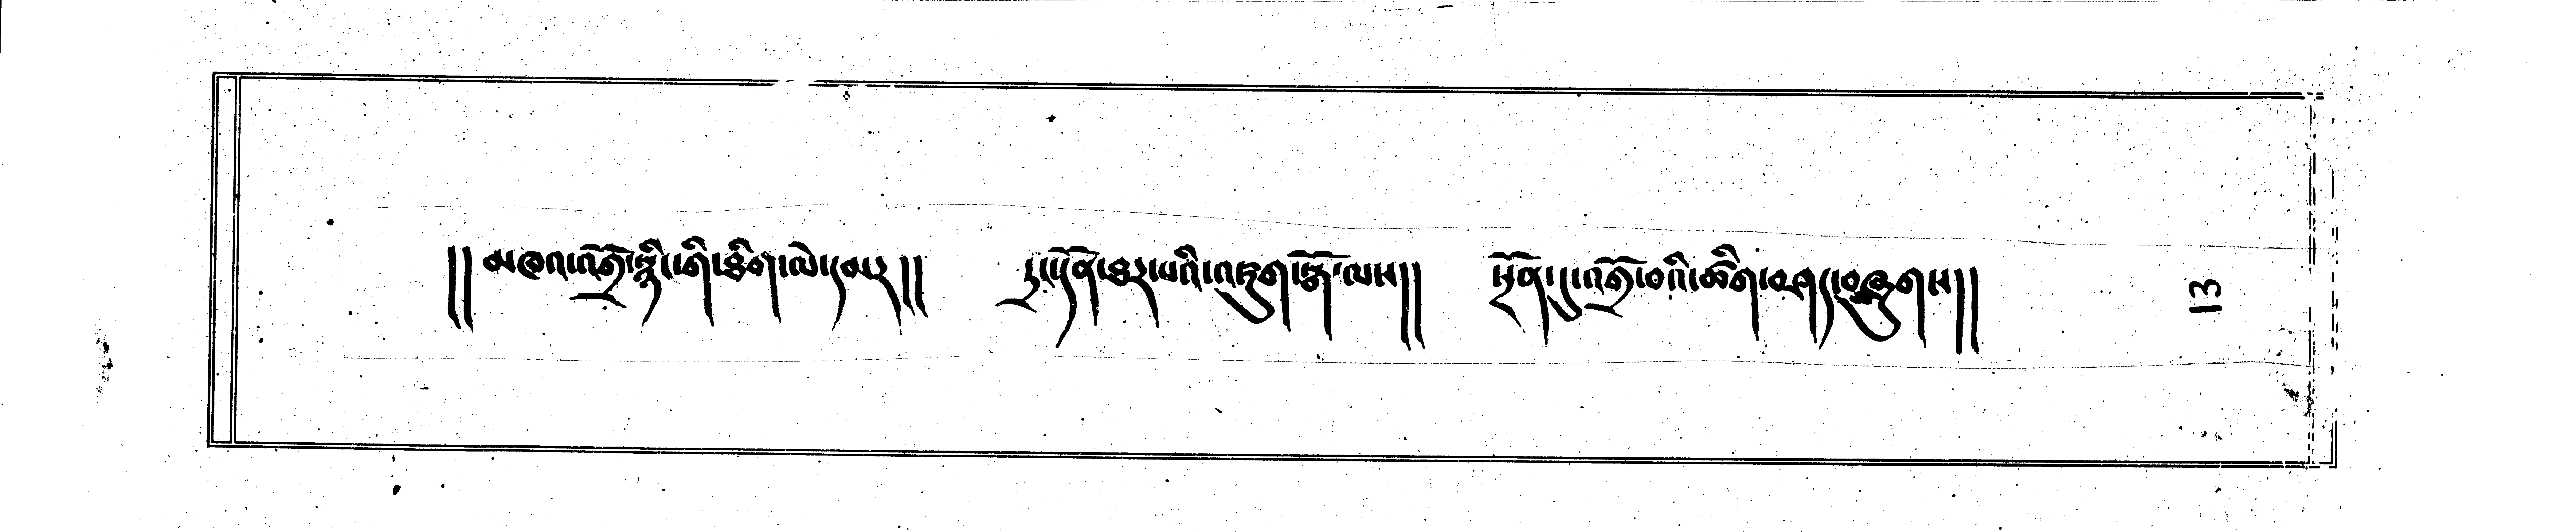༄༅།། །།མཁའ་འགྲོ་སྙིང་གི་ལེ་དམར། དྲང་དོན་ཐར་པའི་འཇུག་སྒོ་ལས། སྔོན་དུ་འགྲོ་བའི་ཚིགས་བཤད་བཞུགས།